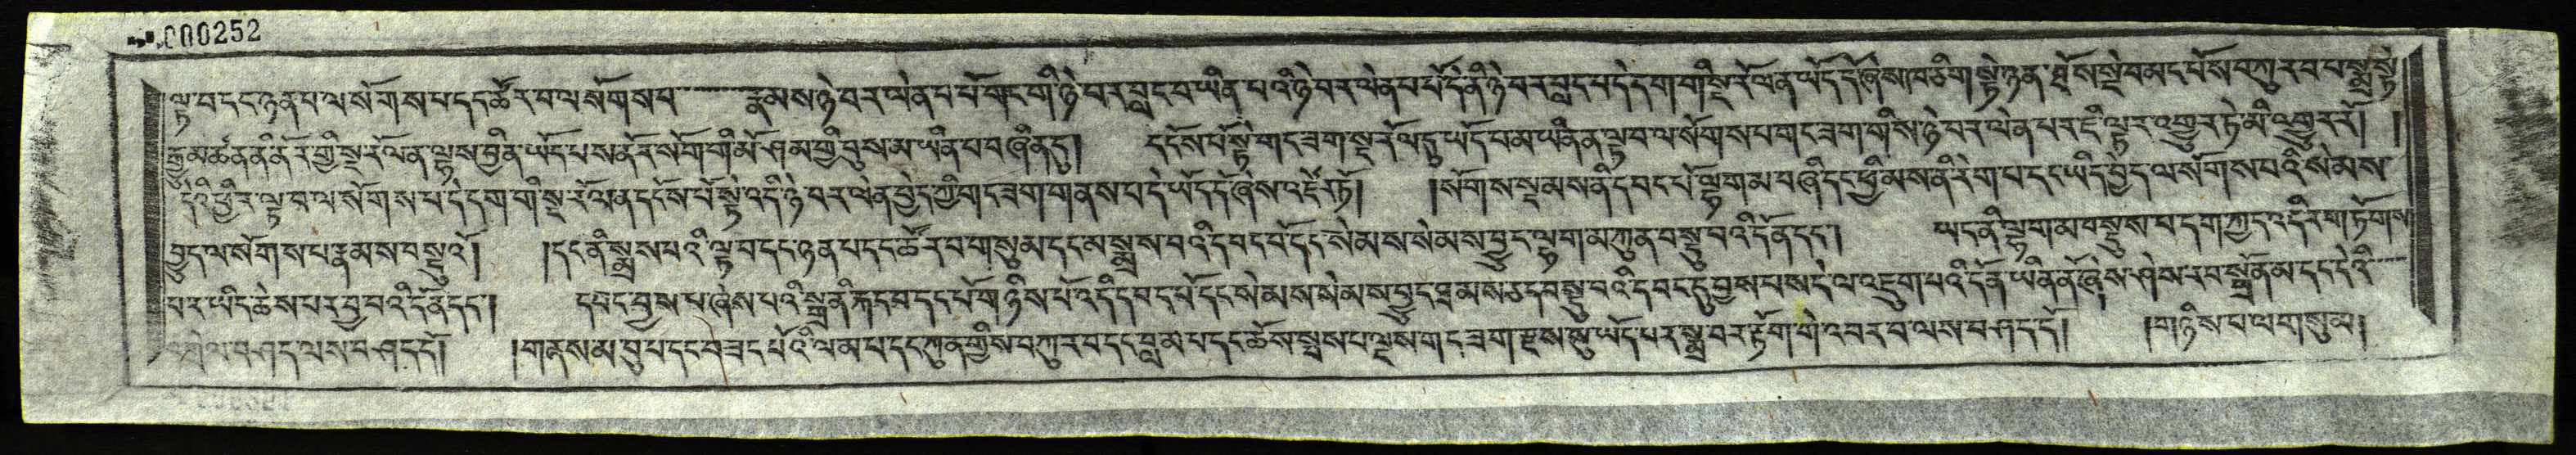ལྟ་བ་དང་ཉན་པ་ལ་སོགས་པ་དང་ཚོར་བ་ལ་སོགས་པ་རྣམས་ཉེ་བར་ལེན་པ་པོ་གང་གི་ཉེ་བར་བླང་བ་ཡིན་པའི་ཉེ་བར་ལེན་པ་པོ་དེ་ནི་ཉེ་བར་བླང་བ་དེ་དག་གི་སྔ་རོལ་ན་ཡོད་དོ་ཞེས་ཁ་ཅིག་སྟེ་ཉན་ཐོས་སྡེབ་མང་པོས་བཀུར་བ་པ་སྨྲ་སྟེ་
རྒྱུ་མཚན་ནི་ནོར་གྱི་སྔ་རོལ་ན་ལྷས་བྱིན་ཡོད་པས་ནོར་སོག་གི་མོ་ཤམ་གྱི་བུས་མ་ཡིན་པ་བཞིན་དུ། དངོས་པོ་སྟེ་གང་ཟག་སྔ་རོལ་དུ་ཡོད་པ་མ་ཡིན་ན་ལྟ་བ་ལ་སོགས་པ་གང་ཟག་གིས་ཉེ་བར་ལེན་པར་ཇི་ལྟར་འགྱུར་ཏེ་མི་འགྱུར་རོ། །
དེའི་ཕྱིར་ལྟ་བ་ལ་སོགས་པ་དེ་དག་གི་སྔ་རོལ་ན་དངོས་པོ་སྟེ་འདི་ཉེ་བར་ལེན་བྱེད་ཀྱི་གང་ཟག་གནས་པ་དེ་ཡོད་དོ་ཞེས་འཛེར་ཏོ། །སོགས་སྔ་མས་ནི་དབང་པོ་ལྷག་མ་བཞི་དང་ཕྱི་མས་ནི་རེག་པ་དང་ཡིད་བྱེད་ལ་སོགས་པའི་སེམས་
བྱུད་ལ་སོགས་པ་རྣམས་བསྡུའོ། །དང་ནི་སྨྲས་པའི་ལྟ་བ་དང་ཉན་པ་དང་ཚོར་བ་གསུམ་དང་མ་སྨྲས་པའི་དབང་པོ་དང་སེམས་སེམས་བྱུང་ལྷག་མ་ཀུན་བསྡུ་བའི་དོན་དང་། ཡང་ནི་ལྷག་མ་བསྡུས་པ་དག་ཀྱང་འདིར་གཏོགས་
པར་ཡིད་ཆེས་པར་བྱ་བའི་དོན་དང་། དབང་བྱས་པ་ཞེས་པའི་སྒྲ་ནི་རྐང་བ་དང་པོ་གཉིས་པོ་འདི་དབང་པོ་དང་སེམས་སེམས་བྱུང་ཐམས་ཅད་བསྡུ་བའི་དབང་དུ་བྱས་པས་དེ་ལ་འཇུག་པའི་དོན་ཡིན་ནོ་ཞེས་ཤེས་རབ་སྒྲོན་མ་དང་དེའི་
འགྲེལ་བཤད་ལས་བཤད་དོ། །གནས་མ་བུ་པ་དང་བཟང་པོའི་ལམ་པ་དང་ཀུན་གྱིས་བཀུར་བ་དང་བླ་མ་པ་དང་ཆོས་སྤས་པ་ལྔས་གང་ཟག་རྫས་སུ་ཡོད་པར་སྨྲ་བར་རྟོག་གེ་འབར་བ་ལས་བཤད་དོ། །གཉིས་པ་ལ་གསུམ།